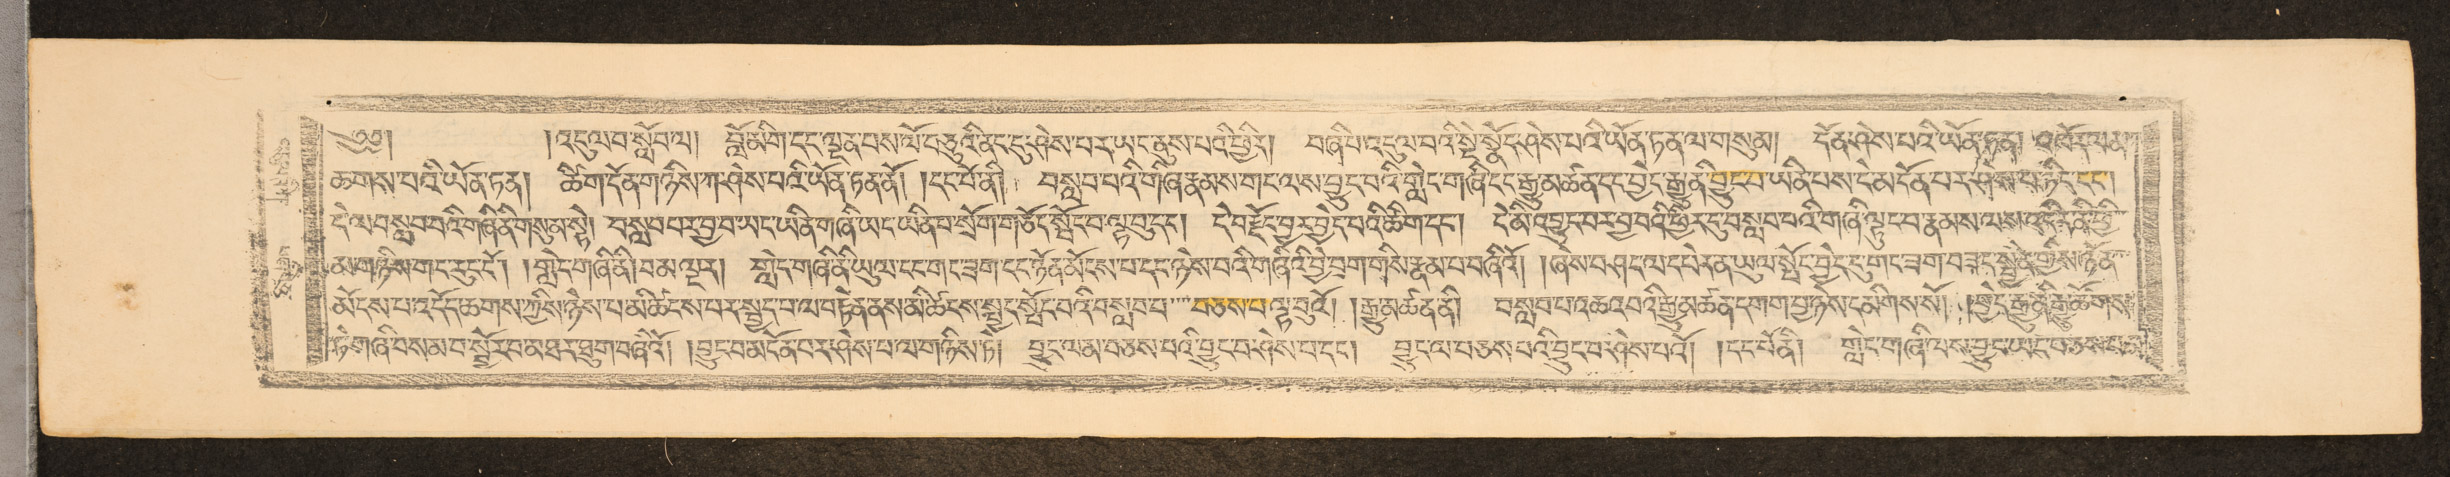༄༅། །འདུལ་བ་སློབ་ལ། བློ་མིག་དང་ལྡན་པས་ལོ་བཅུའི་ནང་དུ་ཤེས་པར་ཡང་ནུས་པའི་ཕྱིར། བཞི་པ་འདུལ་བའི་སྡེ་སྣོད་ཤེས་པའི་ཡོན་ཏན་ལ་གསུམ། དོན་ཤེས་པའི་ཡོན་ཏན། འཁོར་ལ་མ་
ཆགས་པའི་ཡོན་ཏན། ཚིག་དོན་གཉིས་ཀ་ཤེས་པའི་ཡོན་ཏན་ནོ། །དང་པོ་ནི། བསླབ་པའི་གཞི་རྣམས་གང་ལས་བྱུང་བའི་གླེང་གཞི་དང་རྒྱུ་མཚན་དང་བྱེད་རྒྱུ་ནི་བྱུང་བ་ཡིན་པས་དེ་མངོན་པར་ཤེས་པ་ཉིད་དང་།
དེ་ལ་བསླབ་པའི་གཞི་ནི་གསུམ་སྟེ། བསླབ་པར་བྱ་བ་ཡང་ཡིན་གཞི་ཡང་ཡིན་པ་སྲོག་གཅོད་སྤོང་བ་ལྟ་བུ་དང་། དེ་བརྗོད་བྱར་བྱེད་པའི་ཚིག་དང་། དེ་མི་འབྱུང་བར་བྱ་བའི་ཕྱིར་དུ་བསླབ་པའི་གཞི་ལྟུང་བ་རྣམས་ལས་འདིར་ནི་ཕྱི་
མ་གཉིས་གང་རུང་ངོ། །གླེང་གཞི་ནི། བམ་ལྔར། གླེང་གཞི་ནི་ཡུལ་དང་གང་ཟག་དང་ཉོན་མོངས་པ་དང་ཉེས་པའི་གཞིའི་བྱེ་བྲག་གིས་རྣམ་པ་བཞིའོ། །ཞེས་བཤད་ལ་དཔེར་ན་ཡུལ་སྤོང་བྱེད་དུ་གང་ཟག་བཟང་སྦྱིན་གྱིས་ཉོན་
མོངས་པ་འདོད་ཆགས་ཀྱིས་ཉེས་པ་མི་ཚངས་པར་སྤྱད་པ་ལ་བརྟེན་ནས་མི་ཚངས་སྤྱོད་སྤོང་བའི་བསླབ་པ་བཅས་པ་ལྟ་བུའོ། །རྒྱུ་མཚན་ནི། བསླབ་པ་འཆའ་བའི་རྒྱུ་མཚན་དགག་བྱ་ཉེས་དམིགས་སོ། །བྱེད་རྒྱུ་ནི་རྒྱུ་ཚོགས་
ཏེ་གཞི་བསམ་པ་སྦྱོར་བ་མཐར་ཐུག་བཞིའོ། །བྱུང་བ་མངོན་པར་ཤེས་པ་ལ་གཉིས་ཏེ། བྱུང་ལམ་བཅས་པའི་བྱུང་བ་ཤེས་པ་དང་། བྱུང་ལ་བཅས་པའི་བྱུང་བ་ཤེས་པའོ། །དང་པོ་ནི། གླེང་གཞི་ལས་བྱུང་ཡང་བཅས་པ་མ་